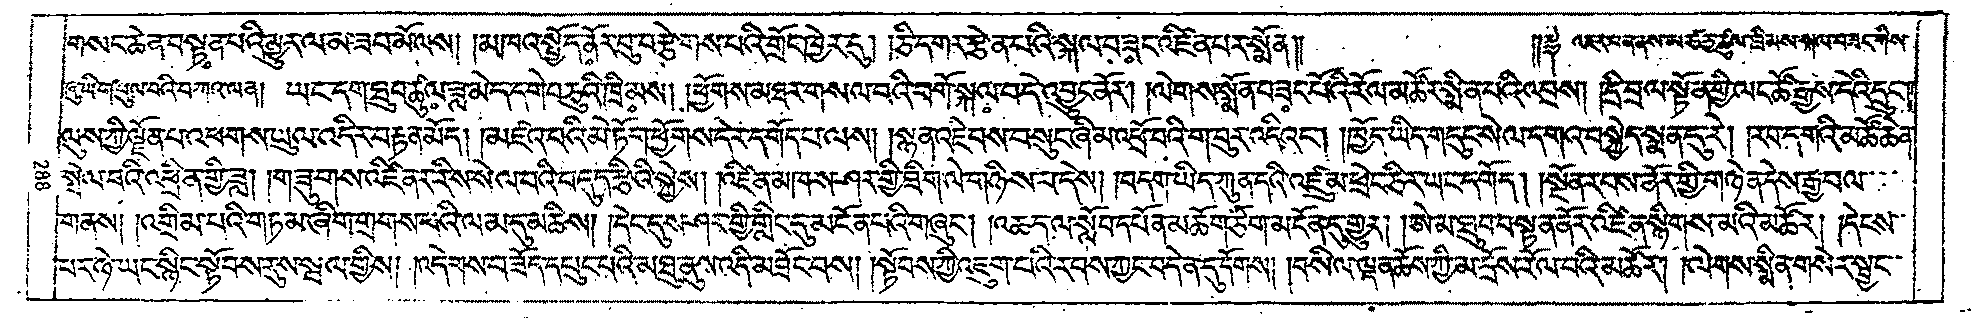གསང་ཆེན་བསྟན྾་པའི་མྱུར་ལམ་ཟབ་མོ་ལས། །མཁའ་སྤྱོད་ནོར྾་བུ་བརྩེགས་པའི་གྲོང་ཁྱེར་དུ། །ཅི་དགར་རྩེན་པའི་སྐལ་བཟང྾་འཛིན་པར་སྨོན།། །། ༈ འཇར་པན་ནས་ཨ་ཙརྱ་ཚུལ་ཁྲིམས་སྐལ་བཟང་གིས་
ཞུ་ཡིག་ཕུལ་བའི་བཀའ་ལན། ཡང་དག་ཐུབ་ཚུལ྾་ཟླ་མེད་དགེ་བཅུའི་ཁྲིམས྾། །ཕྱོགས་མཐར་གསལ་བའི་བགོ་སྐལ྾་བདེ་འབྱུང་ནོར། །ལེགས་སྨོན་བཟང྾་པོའི་རོལ་མཚོར་སྨིན་པའི་འབྲས། །དྲི་བྲལ་སྟོན་གྱི་ལང་ཚོ་རྒྱས་དེའི་དྲུང།།
ལུས་ཀྱི་ལྗོན་པ་འཕགས་ཡུལ་འདིར་བརྟན་མོད། །མཛའ་བའི་མེ་ཏོག་ཕྱོགས་དེར་དགོད་པ་ལས། །སྙན་འཇེབས་བསུང་ཞིམ་འཕྲོ་བའི་ག་བུར་འདིའང་། །ཁྱོད་ཡིད་གདུང་སེལ་དགའ་བསྐྱེད་སྨན་དུ་རེ། །རབ་དགའི་མཚོ་ཆེན་
སྤེལ་བའི་འཕྲིན་གྱི་ཟླ། །གཟུགས་འཛིན་ར་རིས་སེལ་བའི་བདུད་རྩིའི་སྐྱེས། །འཛིན་མཁས་ཤར་གྱི་ཐིག་ལེ་གཉིས་པ་དེས། །བདག་ཡིད་ཀུན་དའི་འཛུམ་ཕྲེང་ཅིར་ཡང་དགོད། །སྔོན་རབས་ནོར་གྱི་གཉེན་དེས་རྒྱ་བལ་
གནས། །འགྲིམ་པའི་གཏམ་ཞིག་གྲགས་པའི་ལམ་དུ་མཆིས། །དེང་དུས་ཤར་གྱི་གླིང་དུ་མངོན་པའི་གཞུང་། །འཆད་ལ་སློབ་དཔོན་མཆོག་ཅིག་མངོན་དུ་གྱུར། །ཨེ་མ་ཐུབ་བསྟན་ནོར་འཛིན་སྙིགས་མའི་མཚོར། །དེངས་
པར་ཉེ་ཡང་སྙིང་སྟོབས་རུས་སྦལ་གྱིས། །འདེགས་བཟོད་དཔུང་པའི་མཐུ་ནུས་འདི་མཐོང་བས། །སྟོབས་ཀྱི་འཇུག་པའི་རབས་ཀྱང་བདེན་དུ་དོགས། །བསིལ་ལྡན་ཆོས་ཀྱི་མ་དྲོས་རོལ་བའི་མཚོར། །ལེགས་སྨིན་གསེར་སྦྱང་